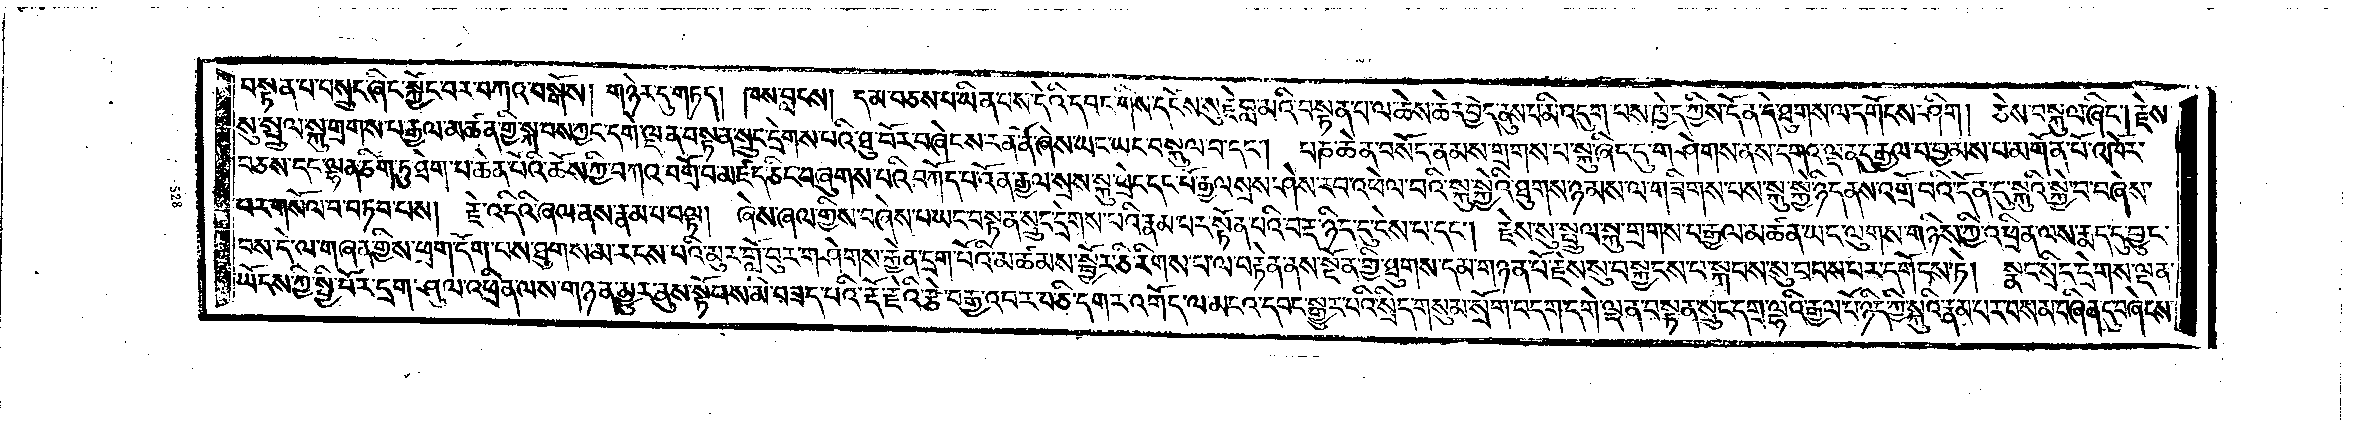བསྟན་པ་བསྲུང་ཞིང་སྐྱོང་བར་བཀའ་བསྒོས། གཉེར་དུ་གཏད། ཁས་བླངས། དམ་བཅས་པ་ཡིན་པས་དེའི་དབང་གིས་དངོས་སུ་རྗེ་བླ་མའི་བསྟན་པ་ལ་ཆེས་ཆེར་བྱེད་ནུས་བ་མི་འདུག་པས་ཁྱེད་ཀྱིས་དོན་དེ་ཐུགས་ལ་དགོངས་ཤིག །ཅེས་བསྐུལ་ཞིང་། རྗེས་
སུ་སྤྲུལ་སྐུ་གྲགས་པ་རྒྱལ་མཚན་གྱི་སྐབས་ཀྱང་དགེ་ལྡན་བསྟན་སྲུང་དྲེགས་པའི་ཐུ་པོར་བཞེངས་རན་ནོ་ཞེས་ཡང་ཡང་བསྐུལ་བ་དང་། པཎ་ཆེན་བསོད་ནམས་གྲགས་པ་སྐུ་ཞིང་དུ་གཤེགས་ནས་དགའ་ལྡན་དུ་རྒྱལ་བ་བྱམས་པ་མགོན་པོ་འཁོར་
བཅས་དང་ལྷན་ཅིག་ཏུ་ཐེག་པ་ཆེན་པོའི་ཆོས་ཀྱི་བཀའ་བགྲོ་པ་མཛད་ཅིང་བཞུགས་པའི་བཀོད་པ་འོན་རྒྱལ་སྲས་སྐུ་ཕྲེང་དང་པོ་རྒྱལ་སྲས་ཤེས་རབ་འཕེལ་བའི་སྐུ་སྐྱེའི་ཐུགས་ཉམས་ལ་གཟིགས་པས་སྐུ་སྐྱེ་ཉིད་ནས་འགྲོ་བའི་དོན་དུ་སྐུའི་སྐྱེ་བ་བཞེས་
པར་གསོལ་བ་བཏབ་པས། རྗེ་འདིའི་ཞལ་ནས་རྣམ་པ་བལྟ། ཞེས་ཞལ་གྱིས་བཞེས་པ་ཡང་བསྟན་སྲུང་དྲེགས་པའི་རྣམ་པར་སྟོན་པའི་བརྡ་ཉིད་དུ་ངེས་པ་དང་། རྗེས་སུ་སྤྲུལ་སྐུ་གྲགས་པ་རྒྱལ་མཚན་ཡང་ལུགས་གཉིས་ཀྱི་འཕྲིན་ལས་རྨད་དུ་བྱུང་
བས་དེ་ལ་གཞན་གྱིས་ཕྲག་དོག་པས་ཐུགས་མ་རངས་པའི་མུར་གློ་བུར་གཤེགས་རྐྱེན་དྲག་པོའི་མཚམས་སྦྱོར་ཅི་རིགས་པ་ལ་བརྟེན་ནས་སྔོན་གྱི་ཐུགས་དམ་གཉན་པོ་རྗེས་སུ་བསྐྱངས་པ་སྐབས་སུ་བབས་པར་དགོངས་ཏེ། སྣང་སྲིད་དྲེགས་ལྡན་
ཡོངས་ཀྱི་སྤྱི་བོར་དྲག་ཤུལ་འཕྲིན་ལས་གཉན་མྱུར་ནུས་སྟོབས་མི་བཟད་པའི་རྡོ་རྗེའི་རྩེ་བརྒྱ་འབར་བ་ཅི་དགར་འགོད་ལ་མངའ་དབང་སྒྱུར་བའི་སྲིད་གསུམ་སྲོག་བདག་དགེ་ལྡན་བསྟན་སྲུང་དགྲ་ལྷའི་རྒྱལ་པོ་ཉིད་ཀྱི་སྐུའི་རྣམ་པར་བསམ་བཞིན་དུ་བཞེངས་